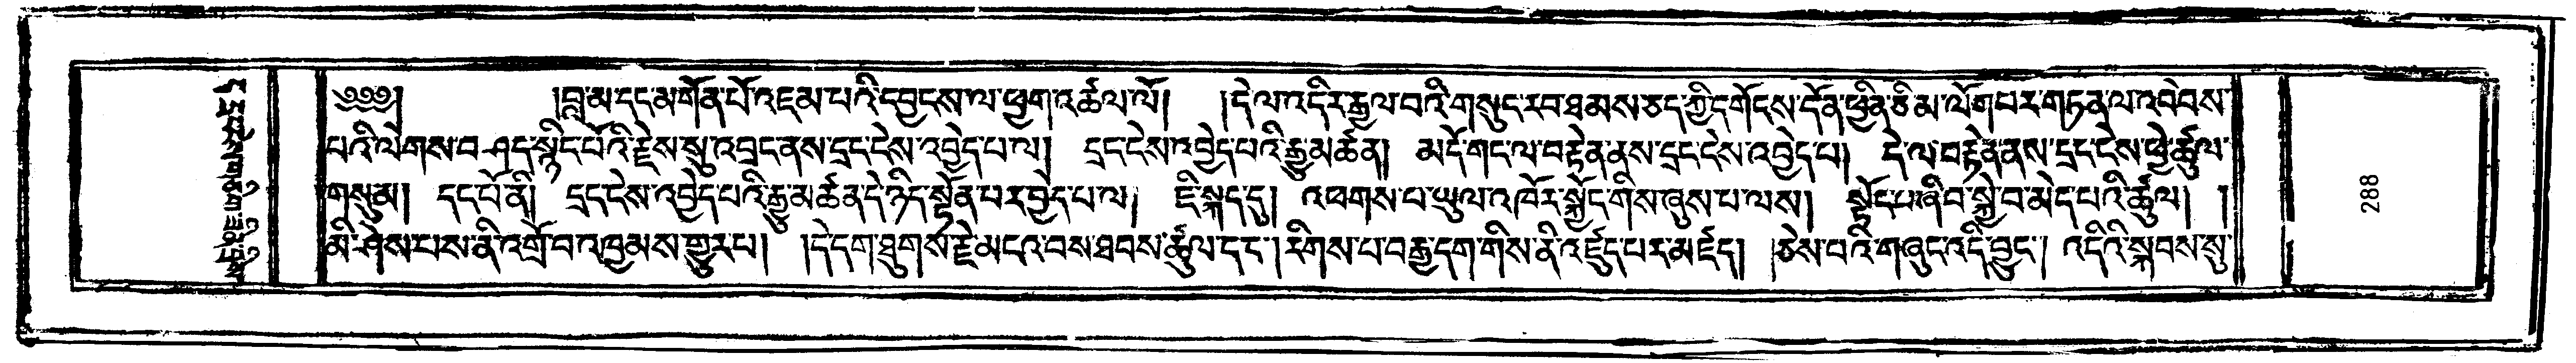༄༅༅། །བླ་མ་དང་མགོན་པོ་འཇམ་པའི་དབྱངས་ལ་ཕྱག་འཚལ་ལོ། །དེ་ལ་འདིར་རྒྱལ་བའི་གསུང་རབ་ཐམས་ཅད་ཀྱི་དགོངས་དོན་ཕྱིན་ཅི་མ་ལོག་པར་གཏན་ལ་འབེབས་
པའི་ལེགས་བཤད་སྙིང་པོའི་རྗེས་སུ་འབྲང་ནས་དྲང་ངེས་འབྱེད་པ་ལ། དྲང་ངེས་འབྱེད་པའི་རྒྱུ་མཚན། མདོ་གང་ལ་བརྟེན་ནས་དྲང་ངེས་འབྱེད་པ། དེ་ལ་བརྟེན་ནས་དྲང་ངེས་ཕྱེ་ཚུལ་
གསུམ། དང་པོ་ནི། དྲང་ངེས་འབྱེད་པའི་རྒྱུ་མཚན་དེ་ཉིད་སྟོན་པར་བྱེད་པ་ལ། ཇི་སྐད་དུ། འཕགས་པ་ཡུལ་འཁོར་སྐྱོང་གིས་ཞུས་པ་ལས། སྟོང་པ་ཞིབ་སྐྱེ་བ་མེད་པའི་ཚུལ། །
མི་ཤེས་པས་ནི་འགྲོ་བ་འཁྱམས་གྱུར་པ། །དེ་དག་ཐུགས་རྗེ་མངའ་བས་ཐབས་ཚུལ་དང་། རིགས་པ་བརྒྱ་དག་གིས་ནི་འཛུད་པར་མཛད། །ཅེས་པའི་གཞུང་འདི་བྱུང་། འདིའི་སྐབས་སུ་